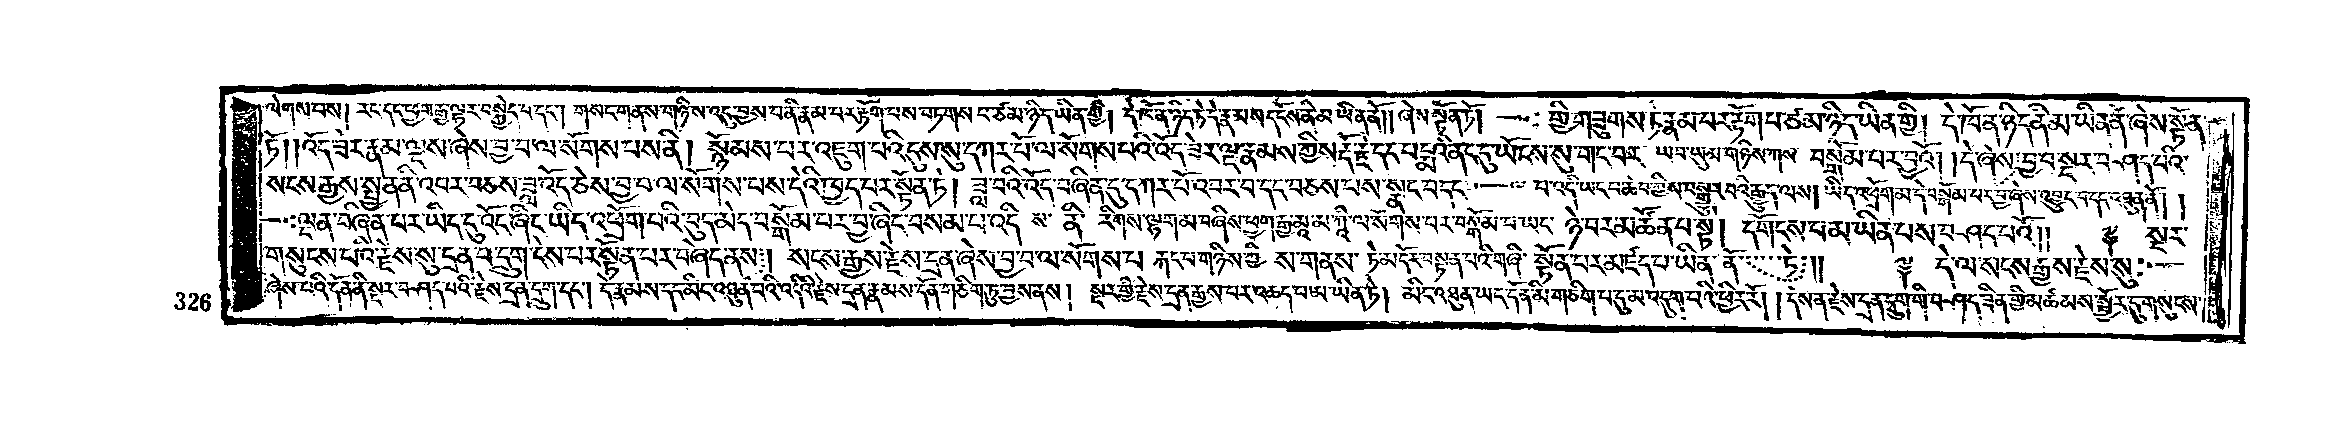ལེགས་པས། རང་དང་ཕྱག་རྒྱ་ལྷར་བསྐྱེད་པ་དང་། གསང་གནས་གཉིས་འདུ་བྱས་པ་ནི་རྣམ་པར་རྟོག་པས་བཏགས་པ་ཙམ་ཉིད་ཡིན་གྱི། དེ་ཁོ་ན་ཉིད་ཏེ་དེ་རྣམས་དངོས་ནི་མ་ཡིན་ནོ། །ཞེས་སྟོན་ཏོ། .Hགྱི་གཟུགས་ཏེ་རྣམ་པར་རྟོག་པ་ཙམ་ཉིད་ཡིན་གྱི། དེ་ཁོ་ན་ཉིད་ནི་མ་ཡིན་ནོ་ཞེས་སྟོན་ཏོ། །འོད་ཟེར་རྣམ་ལྔས་ཞེས་བྱ་བ་ལ་སོགས་པས་ནི། སྙོམས་པར་འཇུག་པའི་དུས་སུ་དཀར་པོ་ལ་སོགས་པའི་འོད་ཟེར་ལྔ་རྣམས་ཀྱིས་རྡོ་རྗེ་དང་པདམའི་ནང་དུ་ཡོངས་སུ་གང་བར་ཡབ་ཡུམ་གཉིས་ཀས་བསྒོམ་པར་བྱའོ། །དེ་ཞེས་བྱ་བ་སྔར་བཤད་པའི་
སངས་རྒྱས་སྤྱན་ནི་འབར་བཅས་ཟླ་འོད་ཅེས་བྱ་བ་ལ་སོགས་པས་དེའི་ཁྱད་པར་སྟོན་ཏེ། ཟླ་བའི་འོད་བཞིན་དུ་དཀར་པོ་འབར་བ་དང་བཅས་པས་སྣང་བ་དང་H.་༧པ་འདི་ཡང་པ་ཚབ་ཀྱིས་བསྒྱུར་བའི་རྒྱུད་ལས། ཡིད་འཕྲོག་མ་དེ་བསྒོམ་པར་བྱ་ཞེས་འབྱུང་བ་དང་འཐུན་ནོ། །
.Hལྡན་བཞིན་པར་ཡིད་དུ་འོང་ཞིང་ཡིད་འཕྲོག་པའི་བུད་མེད་བསྒོམ་པར་བྱ་ཞིང་བསམ་པ་འདིས་ནི་རིགས་ལྷག་མ་བཞིས་ཕྱག་རྒྱ་མཱ་མ་ཀཱི་ལ་སོགས་པར་བསྒོམ་པ་ཡང་ཉེ་བར་མཚོན་པ་སྟེ། དགོངས་པ་མ་ཡིན་པས་བཤད་པའོ།། ༈ སྔར་
གསུངས་པའི་རྗེས་སུ་དྲན་པ་དྲུག་ངེས་པར་སྟོན་པར་བཞེད་ནས། སངས་རྒྱས་རྗེས་དྲན་ཞེས་བྱ་བ་ལ་སོགས་པ་རྐང་པ་གཉིས་ཀྱིས་གནས་ཏེ་མདོར་བསྟན་པའི་གཞི་སྟོན་པར་མཛད་པ་ཡིན་ནོ་ཏེ།། ༈ དེ་ལ་སངས་རྒྱས་རྗེས་སུ་H.
ཞེས་པའི་དོན་ནི་སྔར་བཤད་པའི་རྗེས་དྲན་དྲུག་དང་། དེ་རྣམས་དང་མིང་འཐུན་པའི་འདིའི་རྗེས་དྲན་རྣམས་དོན་གཅིག་ཏུ་བྱས་ནས། སྔར་གྱི་རྗེས་དྲན་རྒྱས་པར་འཆད་པ་མ་ཡིན་ཏེ། མིང་འཐུན་ཡང་དོན་མི་གཅིག་པ་དུ་མ་འདུག་པའི་ཕྱིར་རོ། །དེས་ན་རྗེས་དྲན་དྲུག་གི་བཤད་ཟིན་གྱི་མཚམས་སྦྱོར་དུ་གསུངས་